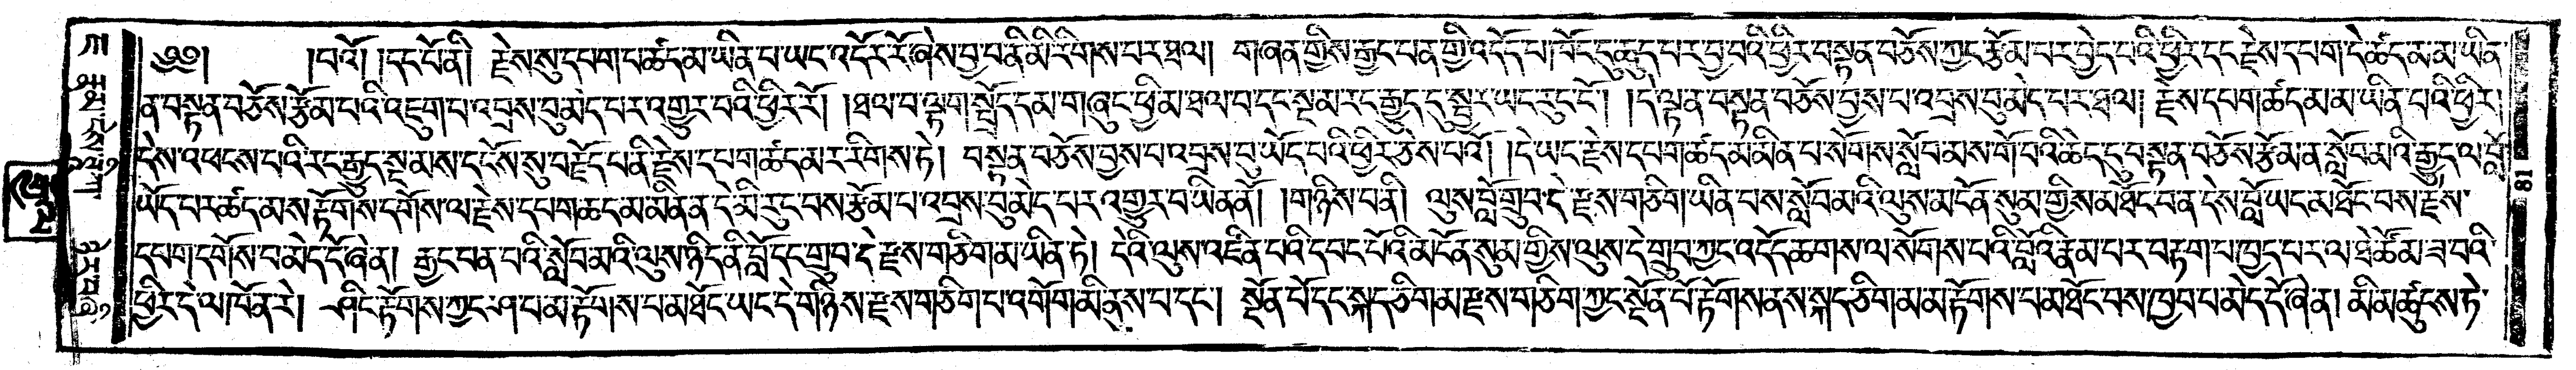༄༅། །པའོ། །དང་པོ་ནི། རྗེས་སུ་དཔག་པ་ཚད་མ་ཡིན་པ་ཡང་འདོར་རོ་ཞེས་བྱ་བ་ནི་མི་རིགས་པར་ཐལ། གཞན་གྱིས་རྒྱད་པན་གྱི་འདོད་པ་ཁོང་དུ་ཆུད་པར་བྱ་བའི་ཕྱིར་བསྟན་བཅོས་ཀྱང་རྩོམ་པར་བྱེད་པའི་ཕྱིར་དང་རྗེས་དཔག་དེ་ཚད་མ་མ་ཡིན་
ན་བསྟན་བཅོས་རྩོམ་པའི་འཇུག་པ་འབྲས་བུ་མེད་པར་འགྱུར་བའི་ཕྱིར་རོ། །ཐལ་བ་ལྟག་སྤྲོད་དམ་གཞུང་ཕྱི་མ་ཐལ་བ་དང་སྔ་མ་རང་རྒྱུད་དུ་སྦྱར་ཡང་རུང་ངོ། །དེ་ལྟ་ན་བསྟན་བཅོས་བྱས་པ་འབྲས་བུ་མེད་པར་ཐལ། རྗེས་དཔག་ཚད་མ་མ་ཡིན་པའི་ཕྱིར།
དེས་འཕངས་པའི་རང་རྒྱུད་སྔ་མས་དངོས་སུ་བརྗོད་པ་ནི་རྗེས་དཔག་ཚད་མར་རིགས་ཏེ། བསྟན་བཅོས་བྱས་པ་འབྲས་བུ་ཡོད་པའི་ཕྱིར་ཅེས་པའོ། །དེ་ཡང་རྗེས་དཔག་ཚད་མ་མིན་པ་སོགས་སློབ་མས་གོ་བའི་ཆེད་དུ་བསྟན་བཅོས་རྩོམ་ན་སློབ་མའི་རྒྱུད་ལ་བློ་
ཡོད་པར་ཚད་མས་རྟོགས་དགོས་ལ་རྗེས་དཔག་ཚད་མ་མིན་ན་དེ་མི་རུང་བས་རྩོམ་པ་འབྲས་བུ་མེད་པར་འགྱུར་བ་ཡིན་ནོ། །གཉིས་པ་ནི། ལུས་བློ་གྲུབ་དེ་རྫས་གཅིག་ཡིན་པས་སློབ་མའི་ལུས་མངོན་སུམ་གྱིས་མཐོང་བ་ན་དེས་བློ་ཡང་མཐོང་བས་རྗེས་
དཔག་དགོས་པ་མེད་དོ་ཞེ་ན། རྒྱད་པན་པའི་སློབ་མའི་ལུས་ཉིད་ནི་བློ་དང་གྲུབ་དེ་རྫས་གཅིག་མ་ཡིན་ཏེ། དེའི་ལུས་འཛིན་པའི་དབང་པོའི་མངོན་སུམ་གྱིས་ལུས་དེ་གྲུབ་ཀྱང་འདོད་ཆགས་ལ་སོགས་པའི་བློའི་རྣམ་པར་བརྟག་པ་ཁྱད་པར་ལ་ཐེ་ཚོམ་ཟ་བའི་
ཕྱིར་དེ་ལ་ཁོ་ན་རེ། ཤིང་རྟོགས་ཀྱང་ཤ་པ་མ་རྟོགས་པ་མཐོང་ཡང་དེ་གཉིས་རྫས་གཅིག་པ་འགོག་མི་ནུས་པ་དང་། སྔོན་པོ་དང་སྐད་ཅིག་མ་རྫས་གཅིག་ཀྱང་སྔོན་པོ་རྟོགས་ནས་སྐད་ཅིག་མ་མ་རྟོགས་པ་མཐོང་བས་ཁྱབ་པ་མེད་དོ་ཞེ་ན། མི་མཚུངས་ཏེ་